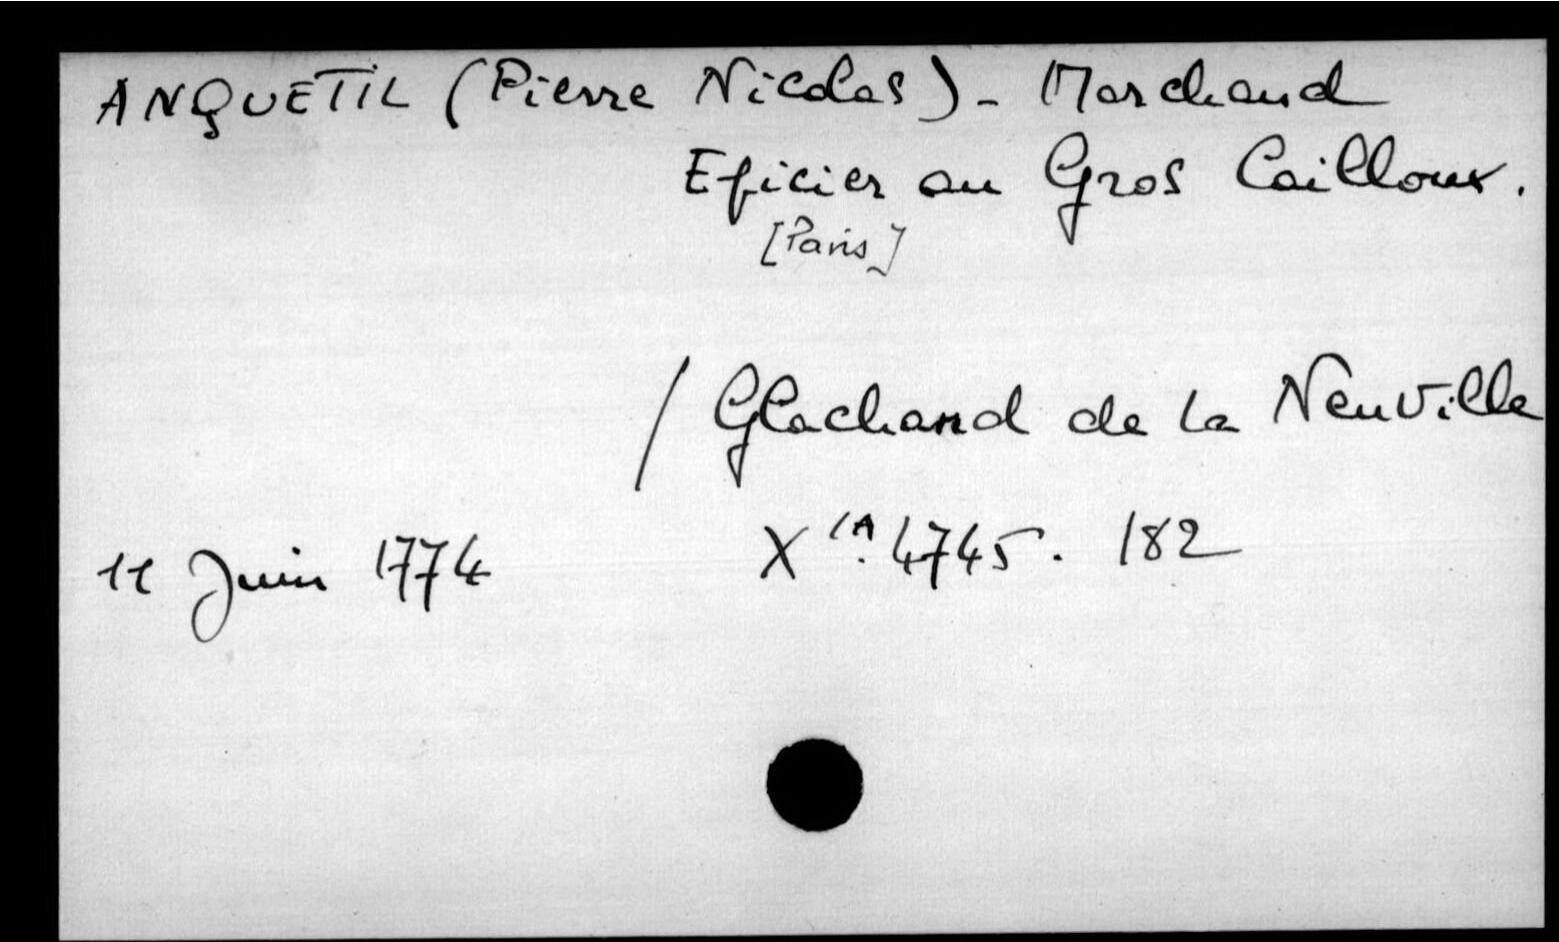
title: ANQUETIL (Pierre Nicolas), Marchand Epicier au Gros Cailloux [Paris]
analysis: Contre Glachand de la Neuville
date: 11 juin 1774
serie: X1A
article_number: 4745
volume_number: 182
